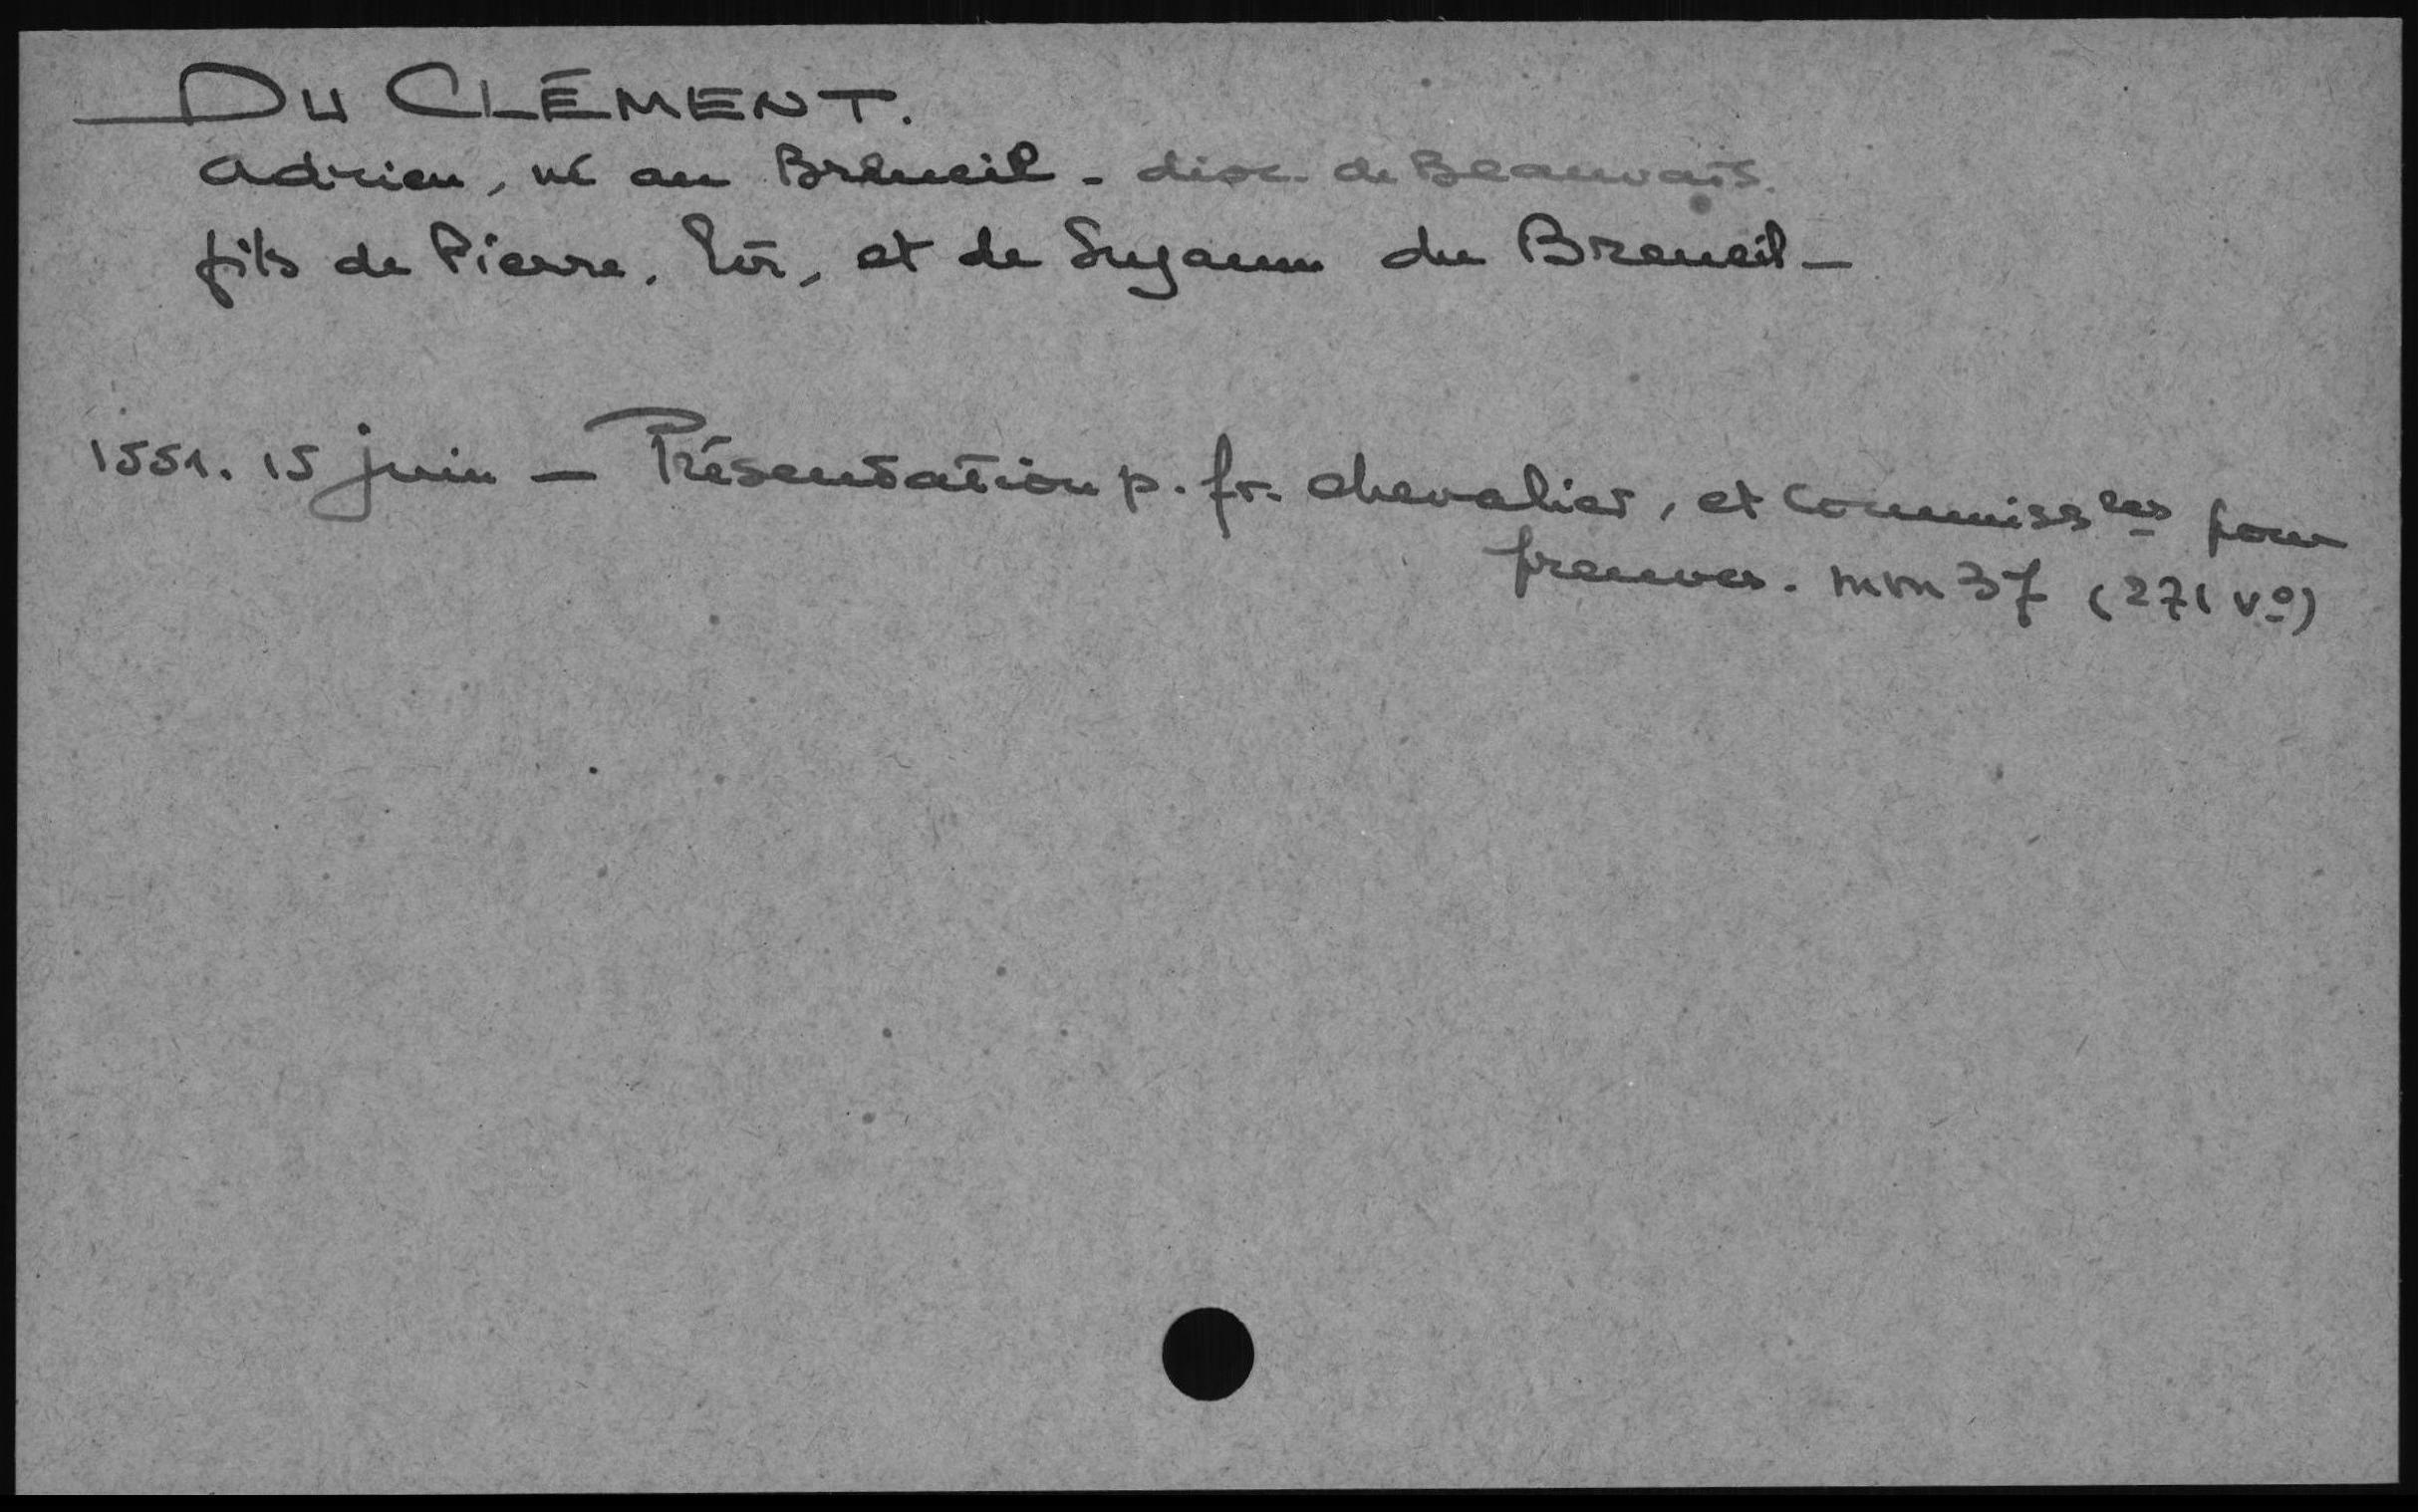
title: DU CLEMENT, Adrien, né au Breueil, diocèse de Beauvais, fils de Pierre, écuyer, et de Suzanne du Breueil.
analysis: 1551, 15 juin. Présentation pour frère chevalier et commissaires pour preuves. MM 37 (271v)
